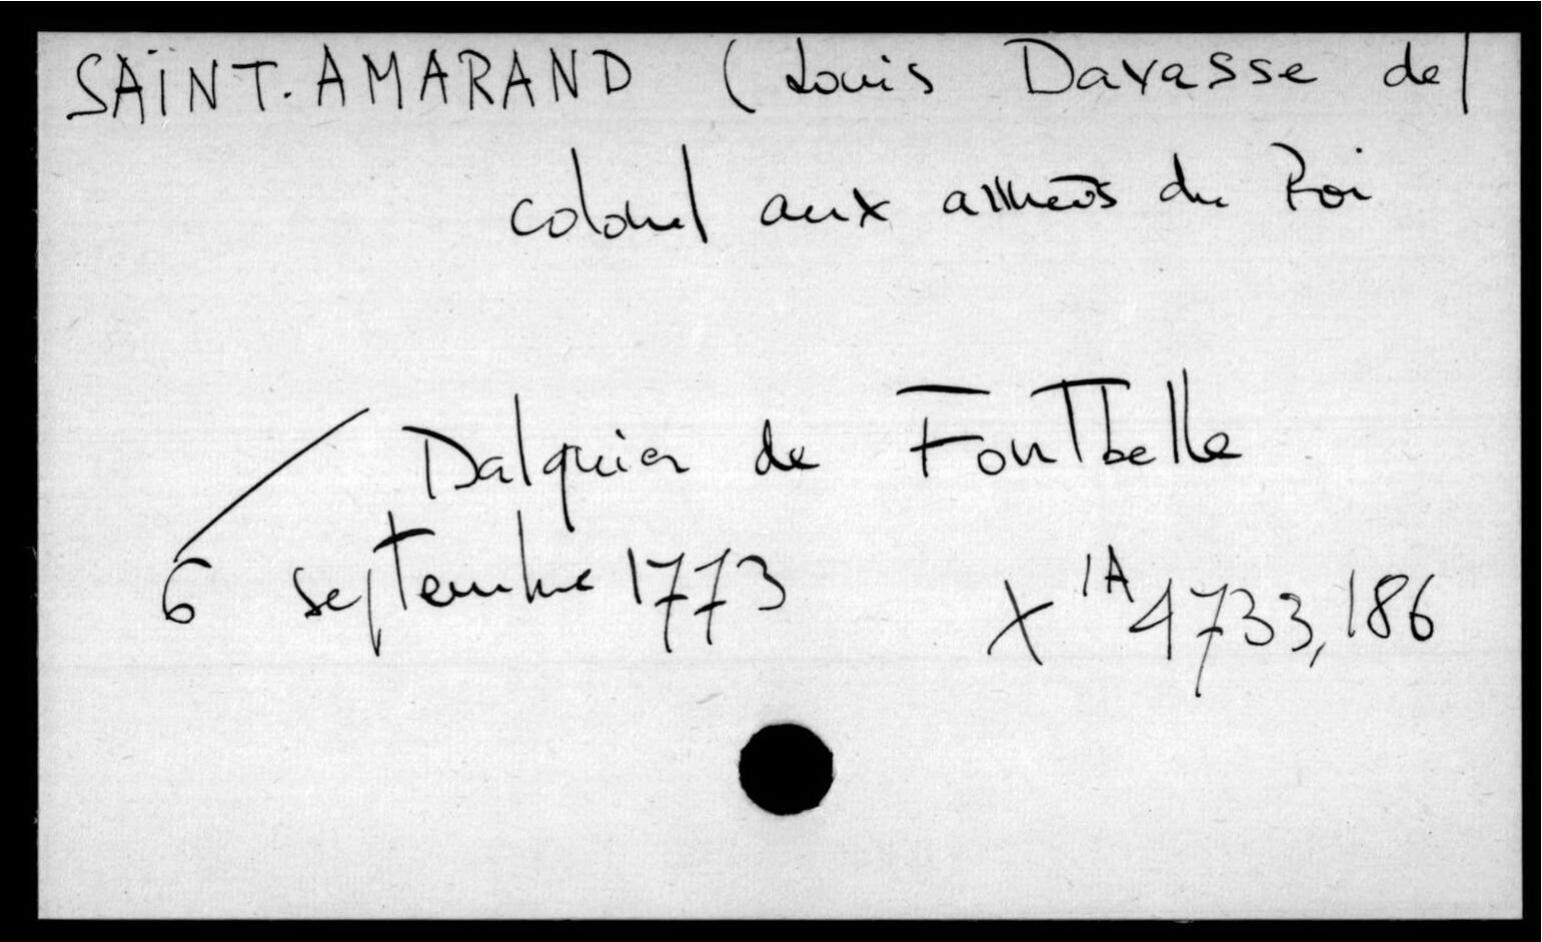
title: SAINT-AMARAND (Louis Davasse de) colonel aux armées du roi
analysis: Contre Dalquier de Fontbelle
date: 6 septembre 1773
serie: X1A
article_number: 4733
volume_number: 186
